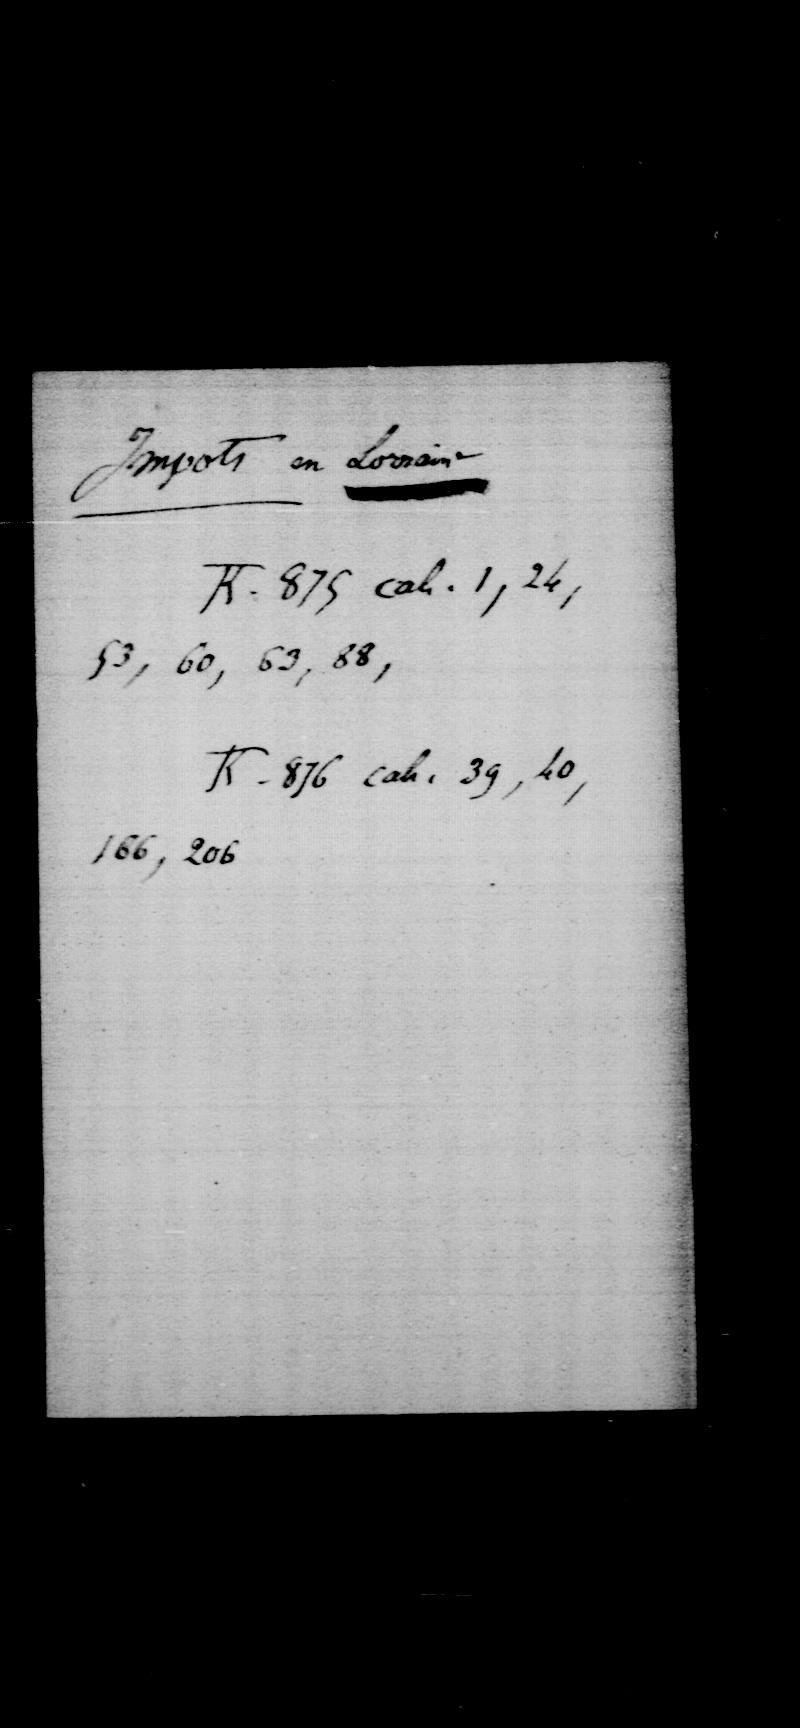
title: Impôts en Lorraine
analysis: K 875, cah. 1, 24, 53, 60, 69, 88
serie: K
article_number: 876
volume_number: cah. 39, 40, 166, 206
